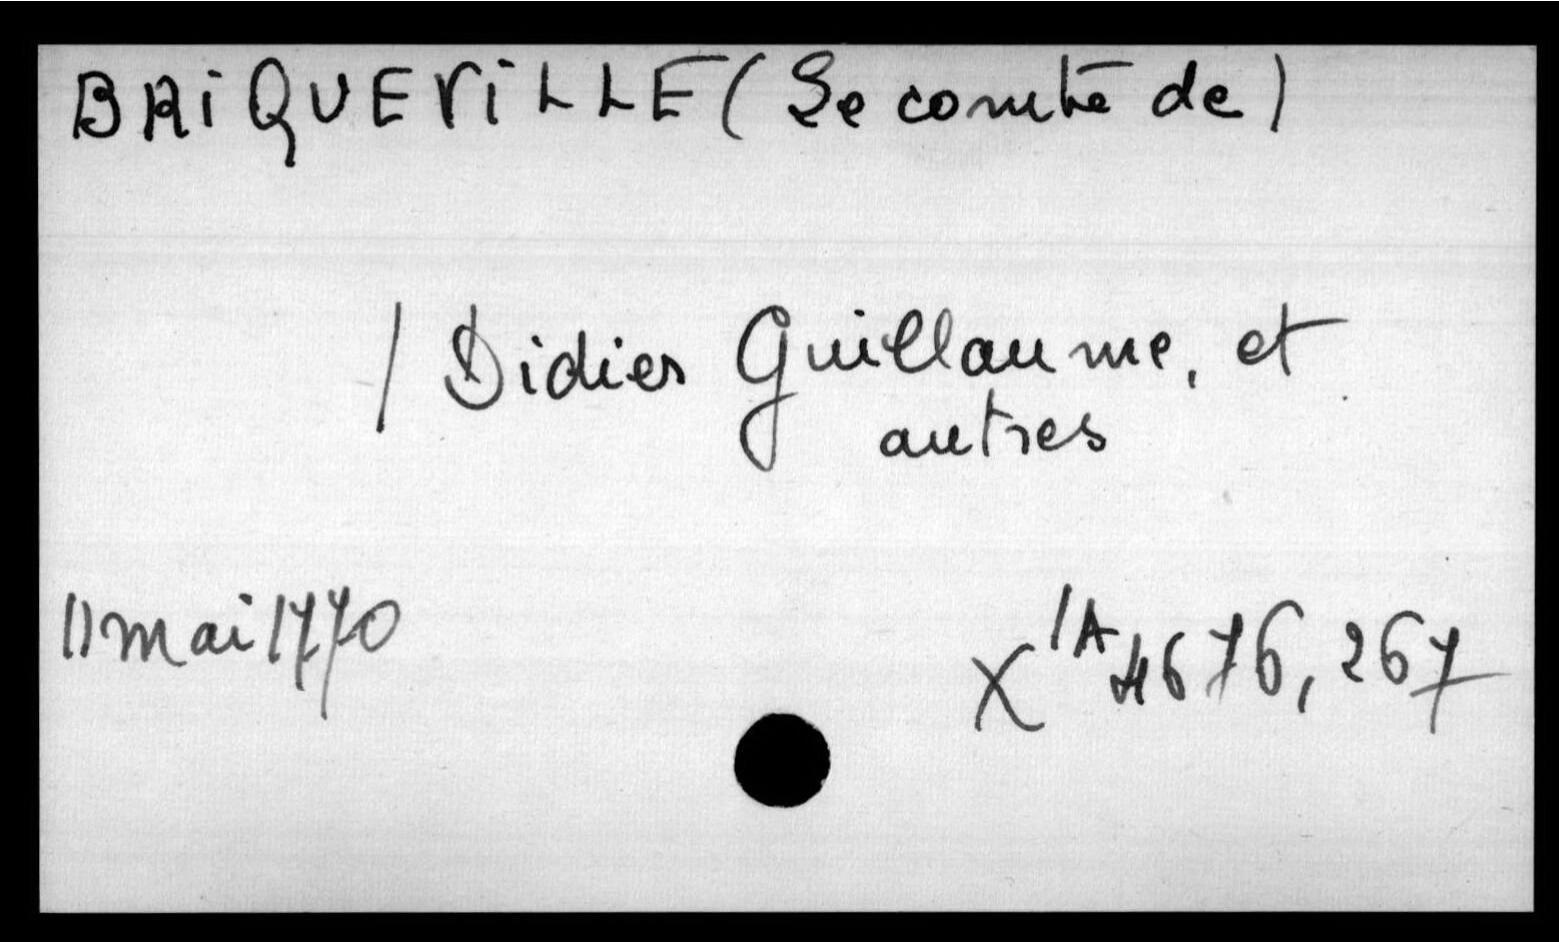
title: BRIQUEVILLE (le comte de)
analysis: contre Didier Guillaume, et autres
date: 11 mai 1770
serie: X1A
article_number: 4676
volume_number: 267
